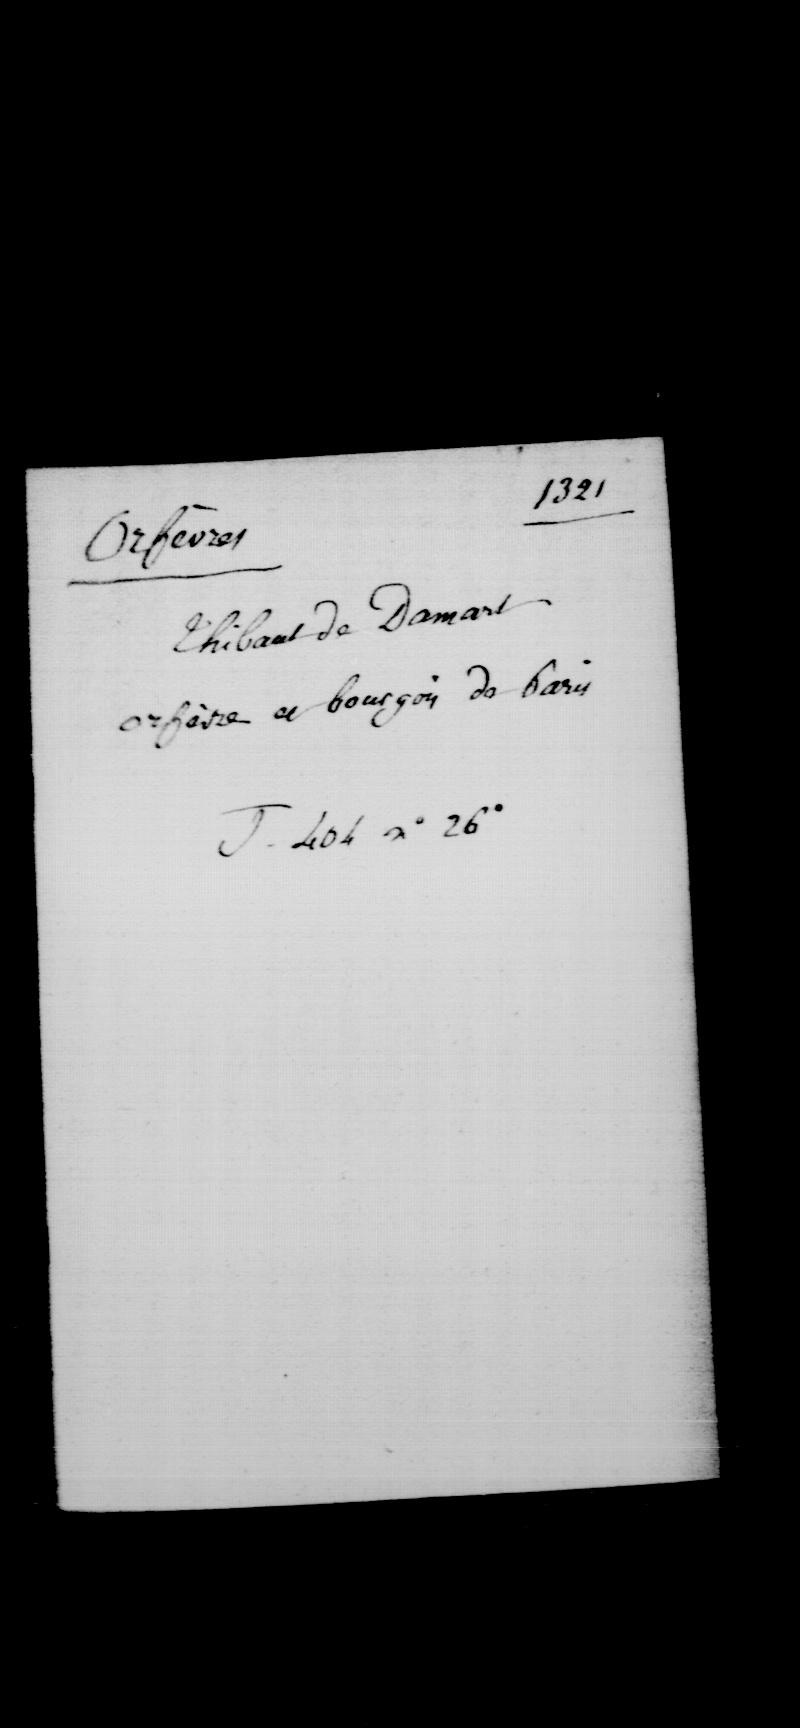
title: Orfèvres
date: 1321
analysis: Thibaut de Damart orfèvre et bourgeois de Paris
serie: J
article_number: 404
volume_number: n° 26
